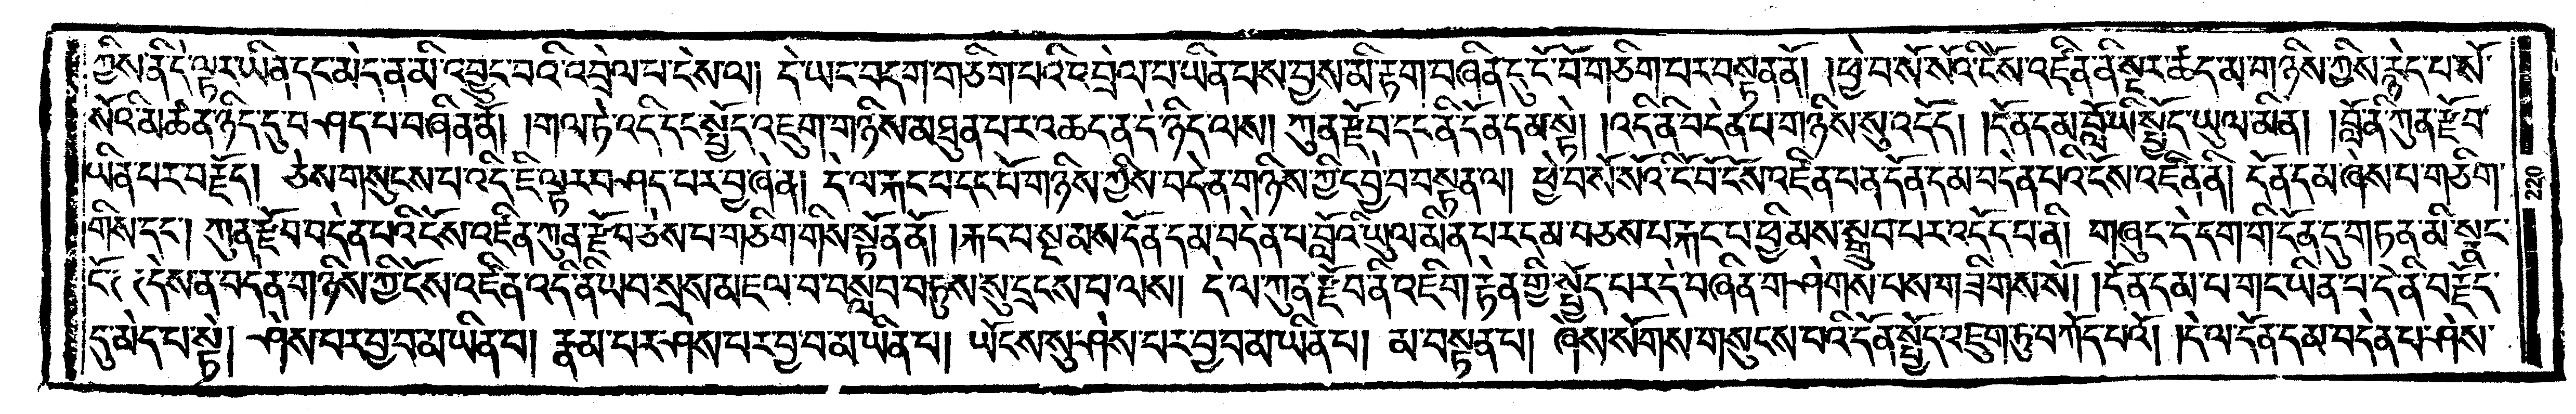ཀྱིས་ནི་དེ་ལྟར་ཡིན་དང་མེད་ན་མི་འབྱུང་བའི་འབྲེལ་པ་ངེས་ལ། དེ་ཡང་བདག་གཅིག་པའི་འབྲེལ་པ་ཡིན་པས་བྱས་མི་རྟག་བཞིན་དུ་ངོ་བོ་གཅིག་པར་བསྟན་ནོ། །ཕྱེ་བ་སོ་སོའི་ངོས་འཛིན་ནི་སྔར་ཚད་མ་གཉིས་ཀྱིས་རྙེད་པ་སོ་
སོའི་མཚན་ཉིད་དུ་བཤད་པ་བཞིན་ནོ། །གལ་ཏེ་འདི་དང་སྤྱོད་འཇུག་གཉིས་མཐུན་པར་འཆད་ན་དེ་ཉིད་ལས། ཀུན་རྫོབ་དང་ནི་དོན་དམ་སྟེ། །འདི་ནི་བདེན་པ་གཉིས་སུ་འདོད། །དོན་དམ་བློ་ཡི་སྤྱོད་ཡུལ་མིན། །བློ་ནི་ཀུན་རྫོབ་
ཡིན་པར་བརྗོད། ཅེས་གསུངས་པ་འདི་ཇི་ལྟར་བཤད་པར་བྱ་ཞེ་ན། དེ་ལ་རྐང་པ་དང་པོ་གཉིས་ཀྱིས་བདེན་གཉིས་ཀྱི་དབྱེ་བ་བསྟན་ལ། ཕྱེ་བ་སོ་སོའི་ངོ་བོ་ངོས་འཛིན་པ་ན་དོན་དམ་བདེན་པའི་ངོས་འཛིན་ནི། དོན་དམ་ཞེས་པ་གཅིག་
གིས་དང་། ཀུན་རྫོབ་བདེན་པའི་ངོས་འཛིན་ཀུན་རྫོབ་ཅེས་པ་གཅིག་གིས་སྟོན་ནོ། །རྐང་པ་སྔ་མས་དོན་དམ་བདེན་པ་བློའི་ཡུལ་མིན་པར་དམ་བཅས་པ་རྐང་པ་ཕྱི་མས་སྒྲུབ་པར་འདོད་པ་ནི། གཞུང་དེ་དག་གི་དོན་དུ་གཏན་མི་སྣང་
ངོ༑ ༑དེས་ན་བདེན་གཉིས་ཀྱི་ངོས་འཛིན་འདི་ནི་ཡབ་སྲས་མཇལ་བ་བསླབ་བཏུས་སུ་དྲངས་པ་ལས། དེ་ལ་ཀུན་རྫོབ་ནི་འཇིག་རྟེན་གྱི་སྤྱོད་པར་དེ་བཞིན་གཤེགས་པས་གཟིགས་སོ། །དོན་དམ་པ་གང་ཡིན་པ་དེ་ནི་བརྗོད་
དུ་མེད་པ་སྟེ། ཤེས་པར་བྱ་བ་མ་ཡིན། རྣམ་པར་ཤེས་པར་བྱ་བ་མ་ཡིན་པ། ཡོངས་སུ་ཤེས་པར་བྱ་བ་མ་ཡིན་པ། མ་བསྟན་པ། ཞེས་སོགས་གསུངས་པའི་དོན་སྤྱོད་འཇུག་ཏུ་བཀོད་པའོ། །དེ་ལ་དོན་དམ་བདེན་པ་ཤེས་